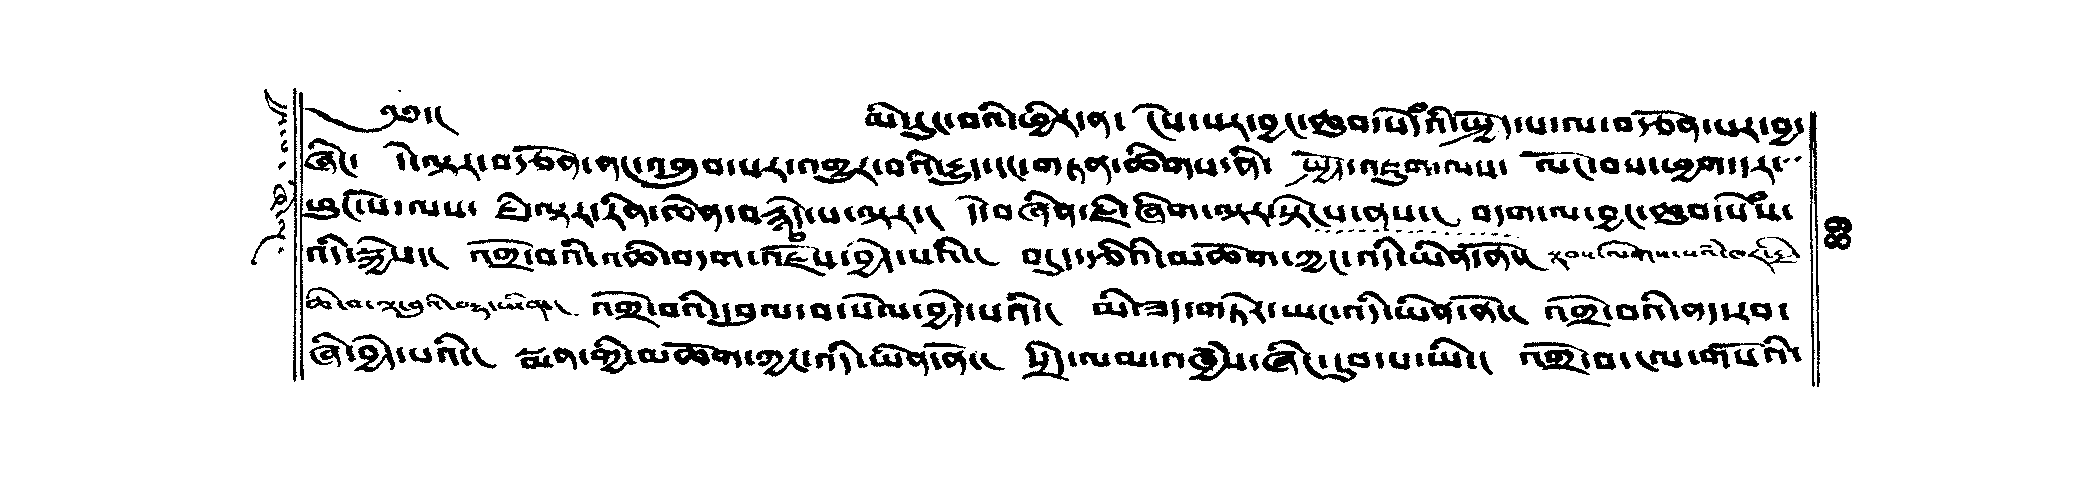མི་རུང་བའི་ཕྱིན་ན། ངེས་པར་བྱང་ཆུབ་སེམས་དཔའའི་སྤྱོད་པ་ལ་བརྩོན་པར་བྱ་
ཞིང་། དེ་ལྟར་བརྩོན་ནང་འགྲུབ་པར་འགྱུར་བའི་རྒྱུད་དང་གཏན་ཚིགས་ནི། སྤྱོད་འཇུག་ལས། ལོང་བས་ཕྱག་དར་
ཕུང་པོ་ལས། ཇི་ལྟར་རིན་ཆེན་བརྙེད་པ་ལྟར། དེ་བཞིན་ཇི་ཞིག་ལྟར་སྟེས་ནས། བདག་ལ་བྱང་ཆུབ་སེམས་
འདི་སྐྱེས། འགྲོ་བའི་འཆི་བདག་འཇོམས་བྱེད་པའི། བདུད་རྩིའི་མཆོག་ཀྱང་འདི་ཡིན་ནོ། སྟབས་ལེགས་པའི་ཁར་རྗེ་
ཆེ་བ་ལྟ་བུའི་བརྡ་ཡིན། འགྲོ་བའི་དབུལ་བ་སེལ་བྱེད་པའི། མི་ཟད་གཏེར་ཡང་འདི་ཡིན་ནོ། འགྲོ་བའི་ནད་རབ་
ཞི་བྱེད་པའི། སྨན་གྱི་མཆོག་ཀྱང་འདི་ཡིན་ནོ། སྲིད་ལམ་འཁྱམས་ཞིང་དུབ་པ་ཡི། འགྲོ་བ་ངལ་གསོའི་